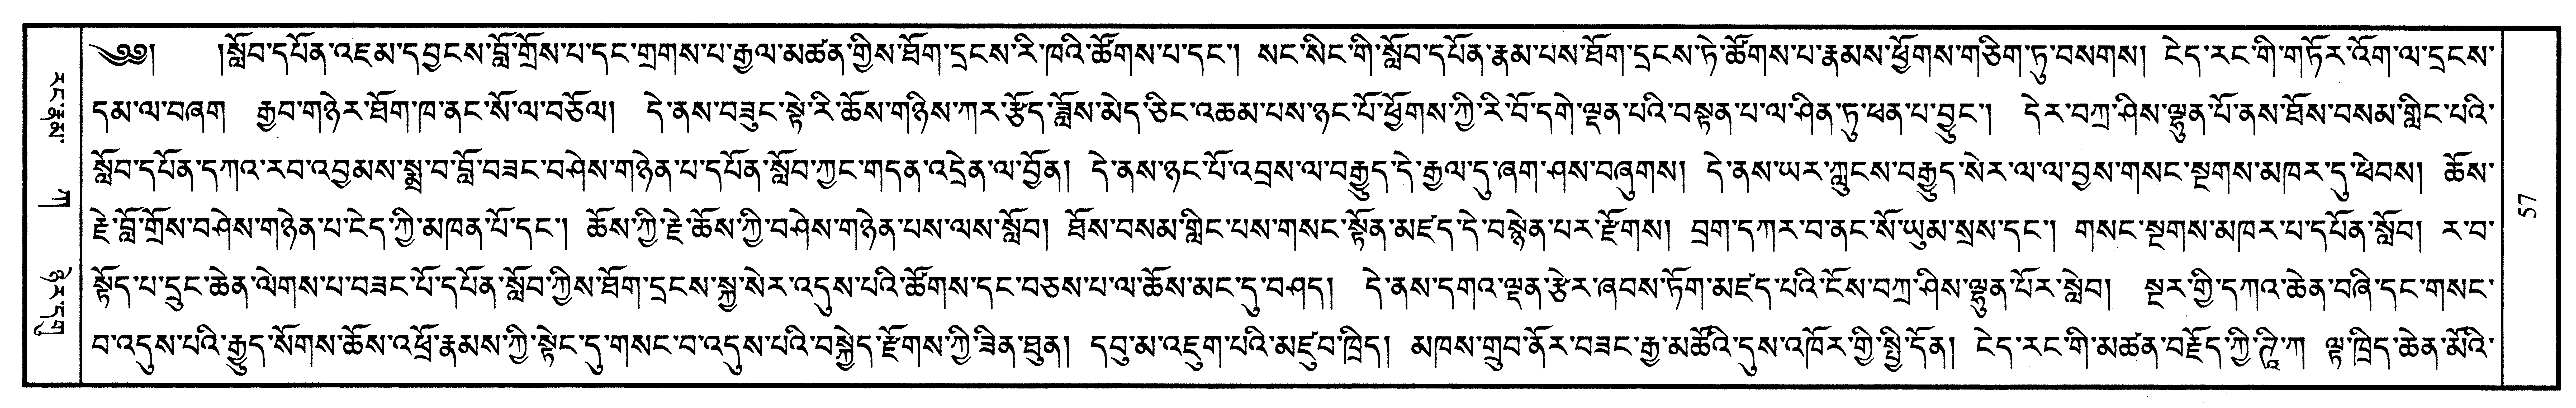༄༅། །སློབ་དཔོན་འཇམ་དབྱངས་བློ་གྲོས་པ་དང་གྲགས་པ་རྒྱལ་མཚན་གྱིས་ཐོག་དྲངས་རི་ཁའི་ཚོགས་པ་དང་། སང་སིང་གི་སློབ་དཔོན་རྣམ་པས་ཐོག་དྲངས་ཏེ་ཚོགས་པ་རྣམས་ཕྱོགས་གཅིག་ཏུ་བསགས། ངེད་རང་གི་གཏོར་འོག་ལ་དྲངས་
དམ་ལ་བཞག་རྒྱབ་གཉེར་ཐོག་ཁ་ནང་སོ་ལ་བཅོལ། དེ་ནས་བཟུང་སྟེ་རི་ཆོས་གཉིས་ཀར་རྩོད་ཟློས་མེད་ཅིང་འཆམ་པས་ཉང་པོ་ཕྱོགས་ཀྱི་རི་བོ་དགེ་ལྡན་པའི་བསྟན་པ་ལ་ཤིན་ཏུ་ཕན་པ་བྱུང་། དེར་བཀྲ་ཤིས་ལྷུན་པོ་ནས་ཐོས་བསམ་གླིང་པའི་
སློབ་དཔོན་དཀའ་རབ་འབྱམས་སྨྲ་བ་བློ་བཟང་བཤེས་གཉེན་པ་དཔོན་སློབ་ཀྱང་གདན་འདྲེན་ལ་བྱོན། དེ་ནས་ཉང་པོ་འབྲས་ལ་བརྒྱུད་དེ་རྒྱལ་དུ་ཞག་ཤས་བཞུགས། དེ་ནས་ཡར་ཀླུངས་བརྒྱུད་སེར་ལ་ལ་བྱས་གསང་སྔགས་མཁར་དུ་ཕེབས། ཆོས་
རྗེ་བློ་གྲོས་བཤེས་གཉེན་པ་ངེད་ཀྱི་མཁན་པོ་དང་། ཆོས་ཀྱི་རྗེ་ཆོས་ཀྱི་བཤེས་གཉེན་པས་ལས་སློབ། ཐོས་བསམ་གླིང་པས་གསང་སྟོན་མཛད་དེ་བསྙེན་པར་རྫོགས། བྲག་དཀར་བ་ནང་སོ་ཡུམ་སྲས་དང་། གསང་སྔགས་མཁར་པ་དཔོན་སློབ། ར་བ་
སྟོད་པ་དྲུང་ཆེན་ལེགས་པ་བཟང་པོ་དཔོན་སློབ་ཀྱིས་ཐོག་དྲངས་སྐྱ་སེར་འདུས་པའི་ཚོགས་དང་བཅས་པ་ལ་ཆོས་མང་དུ་བཤད། དེ་ནས་དགའ་ལྡན་རྩེར་ཞབས་ཏོག་མཛད་པའི་ངོས་བཀྲ་ཤིས་ལྷུན་པོར་སླེབ། སྔར་གྱི་དཀའ་ཆེན་བཞི་དང་གསང་
བ་འདུས་པའི་རྒྱུད་སོགས་ཆོས་འཕྲོ་རྣམས་ཀྱི་སྟེང་དུ་གསང་བ་འདུས་པའི་བསྐྱེད་རྫོགས་ཀྱི་ཟིན་ཐུན། དབུ་མ་འཇུག་པའི་མཛུབ་ཁྲིད། མཁས་གྲུབ་ནོར་བཟང་རྒྱ་མཚོའི་དུས་འཁོར་གྱི་སྤྱི་དོན། ངེད་རང་གི་མཚན་བརྗོད་ཀྱི་ཊཱི་ཀ་ལྟ་ཁྲིད་ཆེན་མོའི་